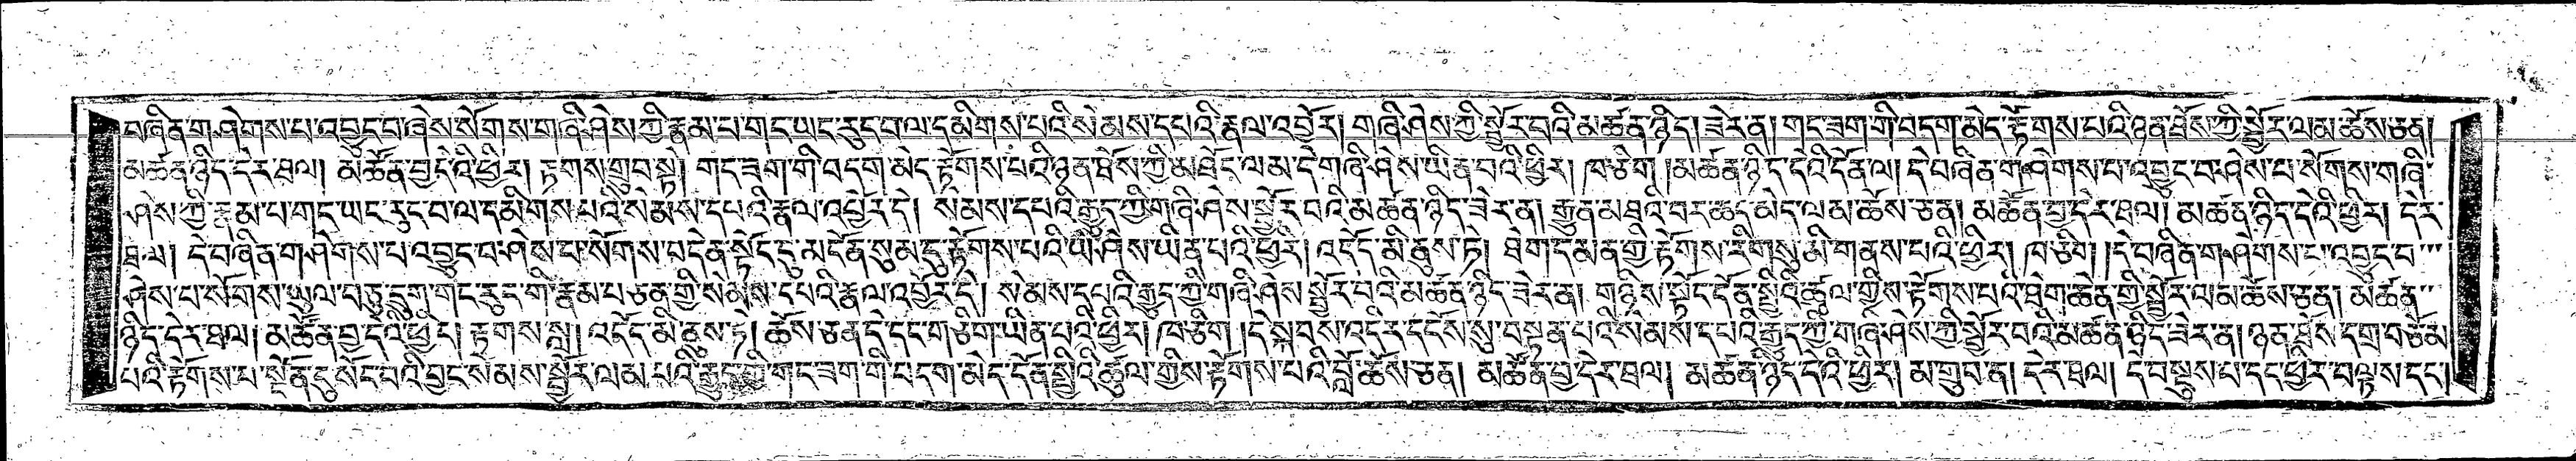བཞིན་གཤེགས་པ་འབྱུང་བ་ཞེས་སོགས་གཞི་ཤེས་ཀྱི་རྣམ་པ་གང་ཡང་རུང་བ་ལ་དམིགས་པའི་སེམས་དཔའི་རྣལ་འབྱོར། གཞི་ཤེས་ཀྱི་སྦྱོར་བའི་མཚན་ཉིད། ཟེར་ན། གང་ཟག་གི་བདག་མེད་རྟོགས་པའི་ཉན་ཐོས་ཀྱི་སྦྱོར་ལམ་ཆོས་ཅན།
མཚན་ཉིད་དེར་ཐལ། མཚོན་བྱ་དེའི་ཕྱིར། རྟགས་གྲུབ་སྟེ། གང་ཟག་གི་བདག་མེད་རྟོགས་པའི་ཉན་ཐོས་ཀྱི་མཐོང་ལམ་དེ་གཞི་ཤེས་ཡིན་པའི་ཕྱིར། ཁ་ཅིག །མཚན་ཉིད་དེའི་དོན་ལ། དེ་བཞིན་གཤེགས་པ་འབྱུང་བ་ཤེས་པ་སོགས་གཞི་
ཤེས་ཀྱི་རྣམ་པ་གང་ཡང་རུང་བ་ལ་དམིགས་པའི་སེམས་དཔའི་རྣལ་འབྱོར་དེ། སེམས་དཔའི་རྒྱུད་ཀྱི་གཞི་ཤེས་སྦྱོར་བའི་མཚན་ཉིད་ཟེར་ན། རྒྱུན་མཐའི་བར་ཆད་མེད་ལམ་ཆོས་ཅན། མཚོན་བྱ་དེར་ཐལ། མཚན་ཉིད་དེའི་ཕྱིར། དེར་
ཐལ། དེ་བཞིན་གཤེགས་པ་འབྱུང་བ་ཤེས་པ་སོགས་བདེན་སྟོང་དུ་མངོན་སུམ་དུ་རྟོགས་པའི་ཡེ་ཤེས་ཡིན་པའི་ཕྱིར། འདོད་མི་ནུས་ཏེ། ཐེག་དམན་གྱི་རྟོགས་རིགས་སུ་མི་གནས་པའི་ཕྱིར། ཁ་ཅིག །དེ་བཞིན་གཤེགས་པ་འབྱུང་བ་
ཤེས་པ་སོགས་ཡུལ་བཅུ་དྲུག་གང་རུང་གི་རྣམ་པ་ཅན་གྱི་སེམས་དཔའི་རྣལ་འབྱོར་དེ། སེམས་དཔའི་རྒྱུད་ཀྱི་གཞི་ཤེས་སྦྱོར་བའི་མཚན་ཉིད་ཟེར་ན། གཉིས་སྟོང་དོན་སྤྱིའི་ཚུལ་གྱིས་རྟོགས་པའི་ཐེག་ཆེན་གྱི་སྦྱོར་ལམ་ཆོས་ཅན། མཚན་
ཉིད་དེར་ཐལ། མཚོན་བྱ་དེའི་ཕྱིར། རྟགས་སླ། འདོད་མི་ནུས་ཏེ། ཆོས་ཅན་དེ་དང་གཅིག་ཡིན་པའི་ཕྱིར། ཁ་ཅིག །དེ་སྐབས་འདིར་དངོས་སུ་བསྟན་པའི་སེམས་དཔའི་རྒྱུད་ཀྱི་གཞི་ཤེས་ཀྱི་སྦྱོར་བའི་མཚན་ཉིད་ཟེར་ན། ཉན་ཐོས་དགྲ་བཅོམ་
པའི་རྟོགས་པ་སྔོན་དུ་སོང་བའི་བྱང་སེམས་སྦྱོར་ལམ་པའི་རྒྱུད་ཀྱི་གང་ཟག་གི་བདག་མེད་དོན་སྤྱིའི་ཚུལ་གྱིས་རྟོགས་པའི་བློ་ཆོས་ཅན། མཚོན་བྱ་དེར་ཐལ། མཚན་ཉིད་དེའི་ཕྱིར། མ་གྲུབ་ན། དེར་ཐལ། དེ་བསྡུས་པ་དང་ཕྱིར་བལྟས་དང་